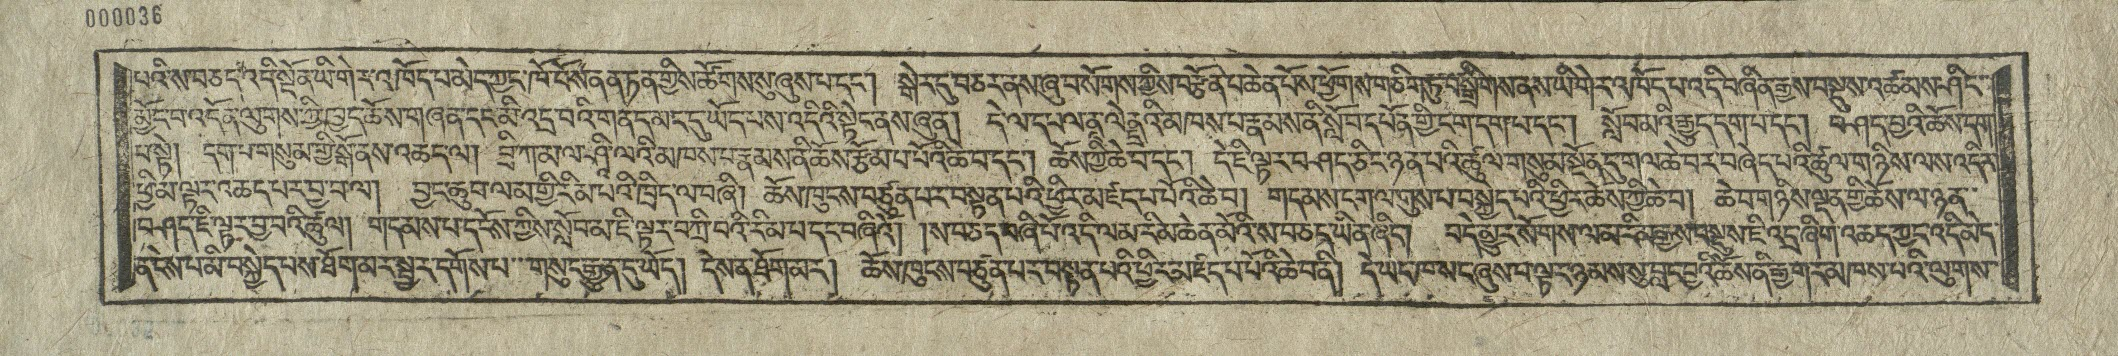པའི་ས་བཅད་འདི་སྔོན་ཡི་གེར་འཁོད་པ་མེད་ཀྱང་ཁོ་བོས་ནན་ཏན་གྱིས་ཚོགས་སུ་ཞུས་པ་དང་། སྒེར་དུ་བཅར་ནས་ཞུ་བ་སོགས་ཀྱིས་བརྩོན་པ་ཆེན་པོས་ཕྱོགས་གཅིག་ཏུ་བསྒྲིགས་ནས་ཡི་གེར་འཁོད་པ་འདི་བཞིན་རྒྱས་བསྡུས་འཚམས་ཤིང་
མྱོང་བ་འདོན་ལུགས་ཀྱི་ཁྱད་ཆོས་གཞན་དང་མི་འདྲ་བའི་གནད་མང་དུ་ཡོད་པས་འདིའི་སྟེང་ནས་ཞུ་ན། དེ་ལ་དཔལ་ནཱ་ལེན་དྲའི་མཁས་པ་རྣམས་ནི་སློབ་དཔོན་གྱི་ངག་དག་པ་དང་། སློབ་མའི་རྒྱུད་དག་པ་དང་། བཤད་བྱའི་ཆོས་དག་
པ་སྟེ། དག་པ་གསུམ་གྱི་སྒོ་ནས་འཆད་ལ། བྲི་ཀ་མ་ལ་ཤཱི་ལའི་མཁས་པ་རྣམས་ནི་ཆོས་རྩོམ་པ་པོའི་ཆེ་བ་དང་། ཆོས་ཀྱི་ཆེ་བ་དང་། དེ་ཇི་ལྟར་བཤད་ཅིང་ཉན་པའི་ཚུལ་གསུམ་སྔོན་དུ་གལ་ཆེ་བར་བཞེད་པའི་ཚུལ་གཉིས་ལས་འདིར་
ཕྱི་མ་ལྟར་འཆད་པར་བྱ་བ་ལ། བྱང་ཆུབ་ལམ་གྱི་རིམ་པའི་ཁྲིད་ལ་བཞི། ཆོས་ཁུངས་བཙུན་པར་བསྟན་པའི་ཕྱིར་མཛད་པ་པོའི་ཆེ་བ། གདམས་ངག་ལ་གུས་པ་བསྐྱེད་པའི་ཕྱིར་ཆོས་ཀྱི་ཆེ་བ། ཆེ་བ་གཉིས་ལྡན་གྱི་ཆོས་ལ་ཉན་
བཤད་ཇི་ལྟར་བྱ་བའི་ཚུལ། གདམས་པ་དངོས་ཀྱིས་སློབ་མ་ཇི་ལྟར་བཀྲི་བའི་རིམ་པ་དང་བཞིའོ། །ས་བཅད་བཞི་པོ་འདི་ལམ་རིམ་ཆེན་མོའི་ས་བཅད་ཡིན་ཞིང་། བདེ་མྱུར་སོགས་ལམ་རིམ་རྒྱས་བསྡུས་ཇི་འདྲ་ཞིག་འཆད་ཀྱང་འདི་མེད་
ན་ངེས་པ་མི་བསྐྱེད་པས་ཐོག་མར་སྦྱར་དགོས་པ་གསུང་རྒྱུན་དུ་ཡོད། དེས་ན་ཐོག་མར། ཆོས་ཁུངས་བཙུན་པར་བསྟན་པའི་ཕྱིར་མཛད་པ་པོའི་ཆེ་བ་ནི། དེ་ཡང་ཁ་སང་ཞུས་པ་ལྟར་ཉམས་སུ་བླང་བྱའི་ཆོས་ནི་རྒྱ་གར་མཁས་པའི་ལུགས་